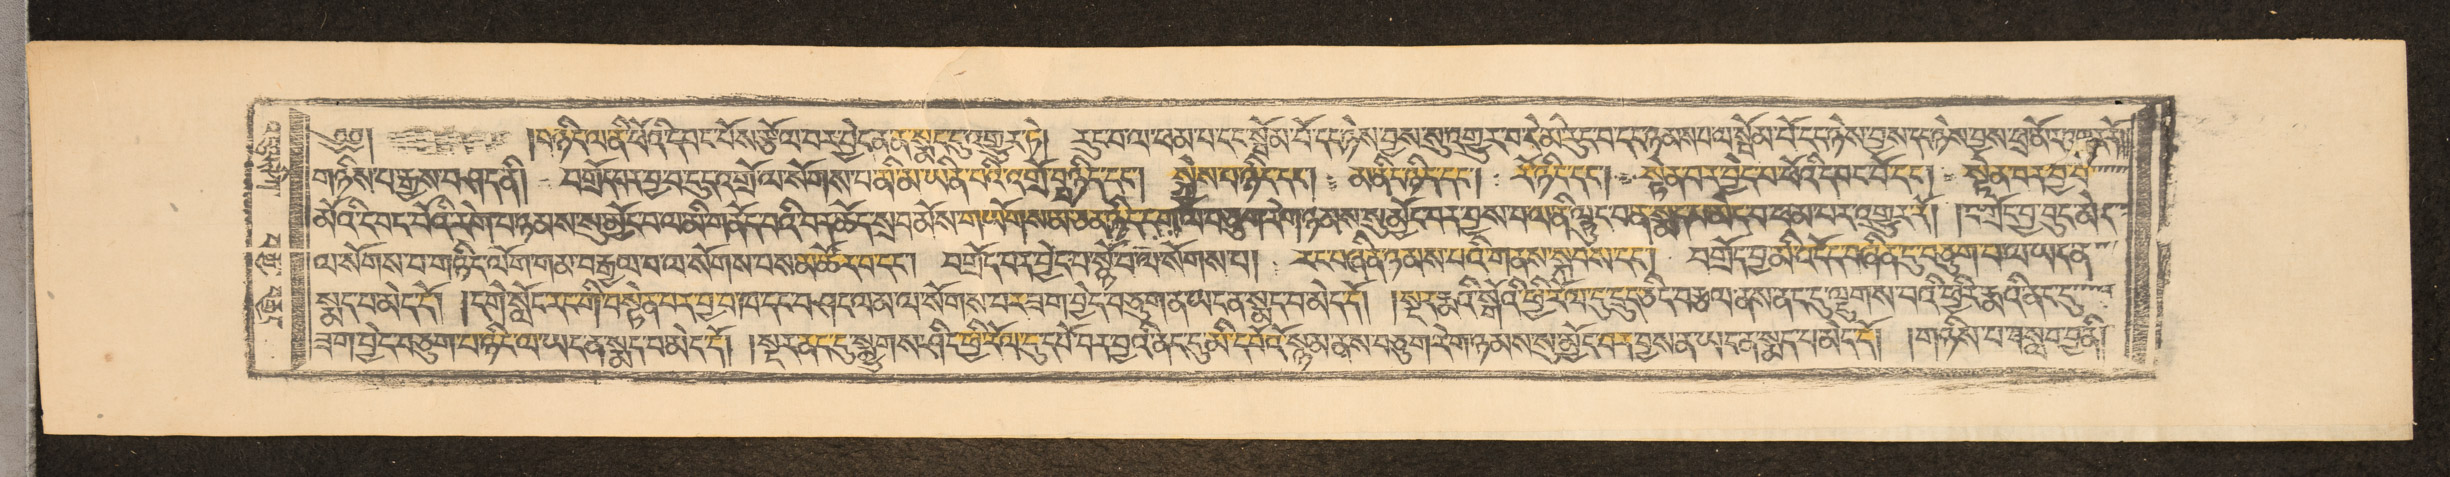༄༅། །བ་ཉིད་ལ་ནི་ཕོའི་དབང་པོས་རྩོལ་བར་བྱེད་ན་ན་སྨད་དུ་འགྱུར་ཏེ། རུང་བ་ལ་ཕམ་པ་དང་སྦོམ་པོ་དང་ཉེས་བྱས་སུ་འགྱུར་བ་དེ་མི་རུང་བ་དང་ཉམས་པ་ལ་སྦོམ་པོ་དང་ཉེས་བྱས་དང་ཉེས་བྱས་ཕྲ་མོར་འགྱུར་རོ།།
གཉིས་པ་རྒྱས་བཤད་ནི། བགྲོད་བར་བྱ་བ་དུད་འགྲོ་ལ་སོགས་པ་མི་མ་ཡིན་པའི་འགྲོ་བབ་ཉིད་དང་། སྐྱེས་པ་ཉིད་དང་། མ་ནིང་ཉིད་དང་། རོ་ཉིད་དང་། སྟེན་པར་བྱེད་པ་ཕོའི་དབང་པོ་དང་། སྟེན་བར་བྱ་བ་
མོའི་དབང་པོའི་རེག་པ་ཉམས་སུ་མྱོང་བ་ལ་མི་གནོད་པའི་བར་ཆོད་སྲབ་མོས་གཡོགས་མ་ཅན་ཉིད་དག་ལ་བཅུག་རེག་ཉམས་སུ་མྱོང་བར་བྱས་པ་ལ་ནི་ལྟུང་བ་ན་སྨད་པ་མེད་པ་ཕམ་པར་འགྱུར་རོ། །བགྲོང་བྱ་བུད་མེད་
ལ་སོགས་པ་གཉིད་ལོག་གམ་བརྒྱལ་བ་ལ་སོགས་པས་མ་ཚོར་བ་དང་། བགྲོད་པར་བྱེད་པ་སྙོ་བ་ལ་སོགས་པ། རང་བཞིན་ཉམས་པའི་གནས་སྐབས་དང་། བགྲོང་བྱ་མི་འདོད་བཞིན་དུ་བཅུག་པ་ལ་ཡང་ན་
སྨད་པ་མེད་དོ། །དགེ་སློང་རང་གི་བསྟེན་པར་བྱ་བ་ཁ་དང་བཤད་ལམ་ལ་སོགས་པར་ཟག་བྱེད་བཅུག་ན་ཡང་ན་སྨད་པ་མེད་དོ། །སྔར་རྨའི་སྒོའི་ཕྱི་རོལ་དུ་དྲུང་ཅིང་བརྩལ་ནས་ནང་དུ་ལྡུགས་པའི་ཕྱིར་རྨའི་ནང་དུ་
ཟག་བྱེད་བཅུག་པ་ཉིད་ལ་ཡང་ན་སྨད་པ་མེད་དོ། །སྔར་ནང་དུ་སྨྱུགས་ཤིང་ཕྱི་རོལ་དུ་དབོ་བར་བྱའི་ནང་དུ་མི་དབོའོ་སྙམ་ནས་བཅུག་རེག་ཉམས་སུ་མྱོང་བར་བྱས་ན་ཡང་ན་སྨད་པ་མེད་དོ། །གཉིས་པ་བསླབ་བྱ་ནི།